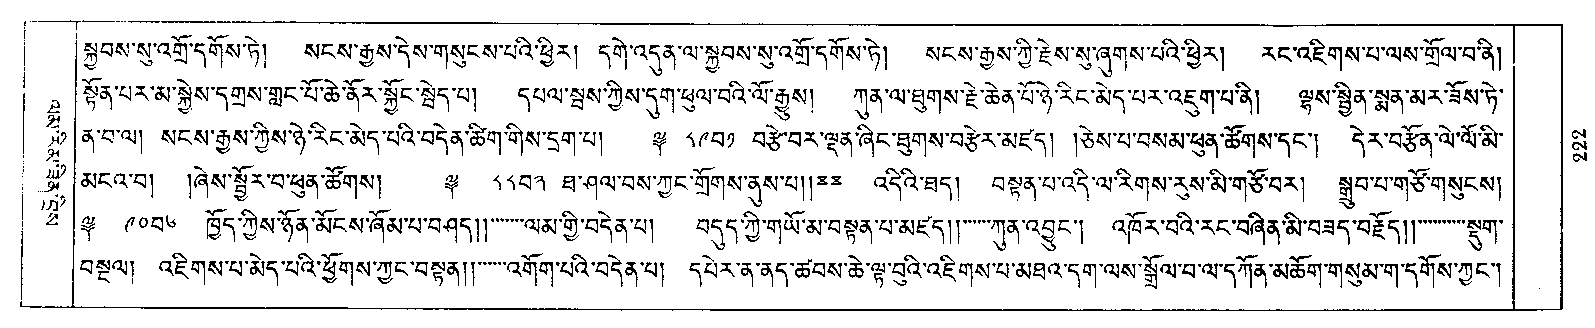སྐྱབས་སུ་འགྲོ་དགོས་ཏེ། སངས་རྒྱས་དེས་གསུངས་པའི་ཕྱིར། དགེ་འདུན་ལ་སྐྱབས་སུ་འགྲོ་དགོས་ཏེ། སངས་རྒྱས་ཀྱི་རྗེས་སུ་ཞུགས་པའི་ཕྱིར། རང་འཇིགས་པ་ལས་གྲོལ་བ་ནི།
སྟོན་པར་མ་སྐྱེས་དགྲས་གླང་པོ་ཆེ་ནོར་སྐྱོང་སྦེད་པ། དཔལ་སྦས་ཀྱིས་དུག་ཕུལ་བའི་ལོ་རྒྱུས། ཀུན་ལ་ཐུགས་རྗེ་ཆེན་པོ་ཉེ་རིང་མེད་པར་འཇུག་པ་ནི། ལྷས་སྦྱིན་སྨན་མར་ཟོས་ཏེ་
ན་བ་ལ། སངས་རྒྱས་ཀྱིས་ཉེ་རིང་མེད་པའི་བདེན་ཚིག་གིས་དྲག་པ། ༈ ༨༩་བ ༡་བརྩེ་བར་ལྡན་ཞིང་ཐུགས་བརྩེར་མཛད། །ཅེས་པ་བསམ་ཕུན་ཚོགས་དང་། དེར་བརྩོན་ལེ་ལོ་མི་
མངའ་བ། །ཞེས་སྦྱོར་བ་ཕུན་ཚོགས། ༈ ༨༨་བ ༢་ཐ་ཤལ་བས་ཀྱང་གྲོགས་ནུས་པ།། འདིའི་ཐད། བསྟན་པ་འདི་ལ་རིགས་རུས་མི་གཙོ་བར། སྒྲུབ་པ་གཙོ་གསུངས།
༈ ༩༠་བ ༦་ཁྱོད་ཀྱིས་ཉོན་མོངས་ཞོམ་པ་བཤད།། ལམ་གྱི་བདེན་པ། བདུད་ཀྱི་གཡོ་མ་བསྟན་པ་མཛད།། ཀུན་འབྱུང་། འཁོར་བའི་རང་བཞིན་མི་བཟད་བརྗོད།། སྡུག་
བསྔལ། འཇིགས་པ་མེད་པའི་ཕྱོགས་ཀྱང་བསྟན།། འགོག་པའི་བདེན་པ། དཔེར་ན་ནད་ཚབས་ཆེ་ལྟ་བུའི་འཇིགས་པ་མཐའ་དག་ལས་སྒྲོལ་བ་ལ་དཀོན་མཆོག་གསུམ་ག་དགོས་ཀྱང་།